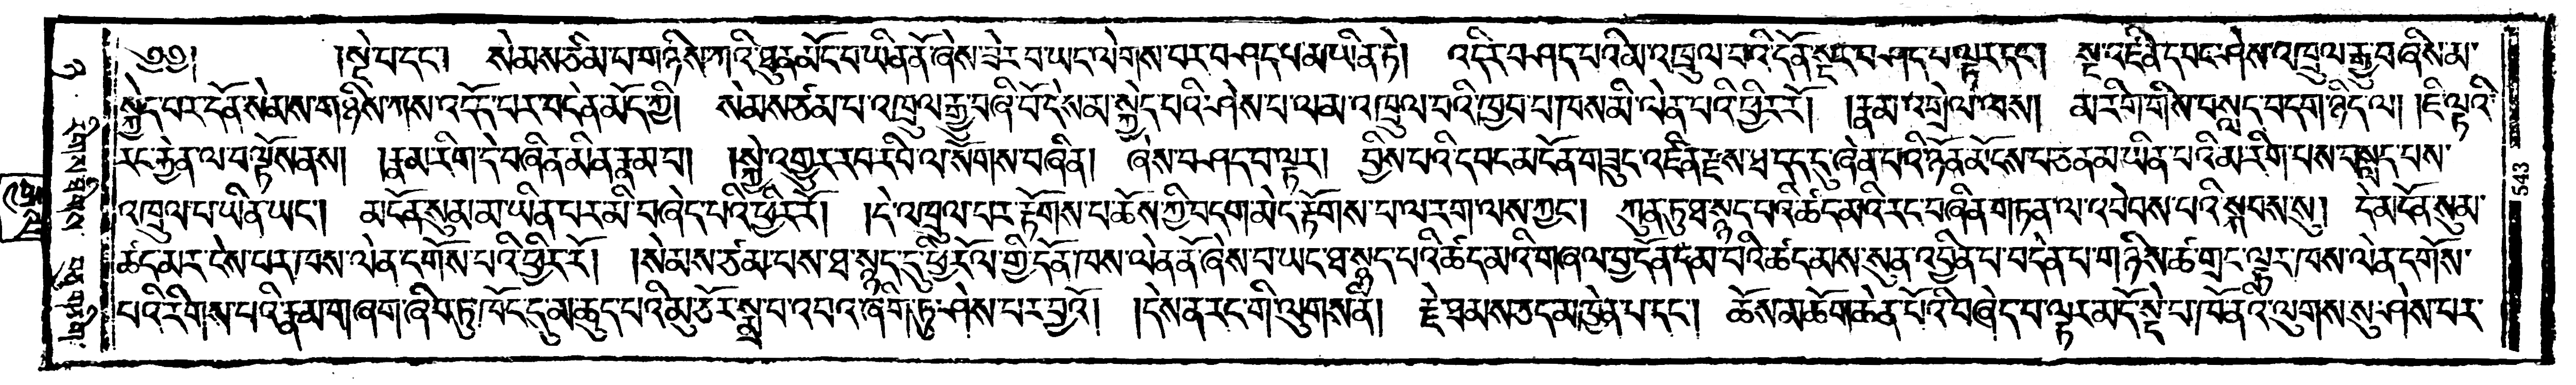༄༅། །སྡེ་པ་དང་། སེམས་ཙམ་པ་གཉིས་ཀའི་ཐུན་མོང་བ་ཡིན་ནོ་ཞེས་ཟེར་བ་ཡང་ལེགས་པར་བཤད་པ་མ་ཡིན་ཏེ། འདིར་བཤད་པའི་མ་འཁྲུལ་བའི་དོན་སྔར་བཤད་པ་ལྟར་དང་། སྔ་འཛིན་དབང་ཤེས་འཁྲུལ་རྒྱུ་བཞིས་མ་
སྐྱེད་པར་དོན་སེམས་གཉིས་ཀས་འདོད་པར་བདེན་མོད་ཀྱི། སེམས་ཙམ་པ་འཁྲུལ་རྒྱུ་བཞི་བོ་དེས་མ་སྐྱེད་པའི་ཤེས་པ་ལམ་འཁྲུལ་བའི་ཁྱབ་པ་ཁས་མི་ལེན་པའི་ཕྱིར་རོ། །རྣམ་འགྲེལ་ལས། མ་རིག་གིས་བསླད་བདག་ཉིད་ལ། །ཇི་ལྟའི་
རང་རྐྱེན་ལ་བལྟོས་ནས། །རྣམ་རིག་དེ་བཞིན་མིན་རྣམ་པ། །སྐྱེ་འགྱུར་རབ་རིབ་ལ་སོགས་བཞིན། ཞེས་བཤད་པ་ལྟར། བྱིས་པའི་དབང་མངོན་གཟུང་འཛིན་རྫས་ཐ་དད་དུ་ཞེ་ན་པའི་ཉོན་མོངས་བ་ཅན་མ་ཡིན་པའི་མ་རིག་པས་བསླད་པས་
འཁྲུལ་བ་ཡིན་ཡང་། མངོན་སུམ་མ་ཡིན་པར་མི་བཞེད་པའི་ཕྱིར་རོ། །དེ་འཁྲུལ་པར་རྟོགས་པ་ཆོས་ཀྱི་བདག་མེད་རྟོགས་པ་ལ་རག་ལས་ཀྱང་། ཀུན་ཏུ་ཐ་སྙད་པའི་ཚད་མའི་རང་བཞིན་གཏན་ལ་འབེབས་པའི་སྐབས་སུ། དེ་མངོན་སུམ་
ཚད་མར་ངེས་པར་ཁས་ལེན་དགོས་པའི་ཕྱིར་རོ། །སེམས་ཙམ་པས་ཐ་སྙད་དུ་ཕྱི་རོལ་གྱི་དོན་ཁས་ལེན་ནོ་ཞེས་པ་ཡང་ཐ་སྙད་པའི་ཚད་མའི་གཞལ་བྱ་དོན་དམ་པའི་ཚད་མས་སུན་འབྱིན་པ་བདེན་པ་གཉིས་ཚ་གྲང་ལྟར་ཁས་ལེན་དགོས་
པའི་རིགས་པའི་རྣམ་གཞག་ཞིབ་ཏུ་ཁོང་དུ་མ་ཆུད་པའི་མུ་ཅོར་སྨྲ་བ་འབའ་ཞིག་ཏུ་ཤེས་པར་བྱའོ། །དེས་ན་རང་གི་ལུགས་ནི། རྗེ་ཐམས་ཅད་མཁྱེན་པ་དང་། ཆོས་མཆོག་ཆེན་པོའི་བཞེད་པ་ལྟར་མདོ་སྡེ་པ་ཁོ་ནའི་ལུགས་སུ་ཤེས་པར་